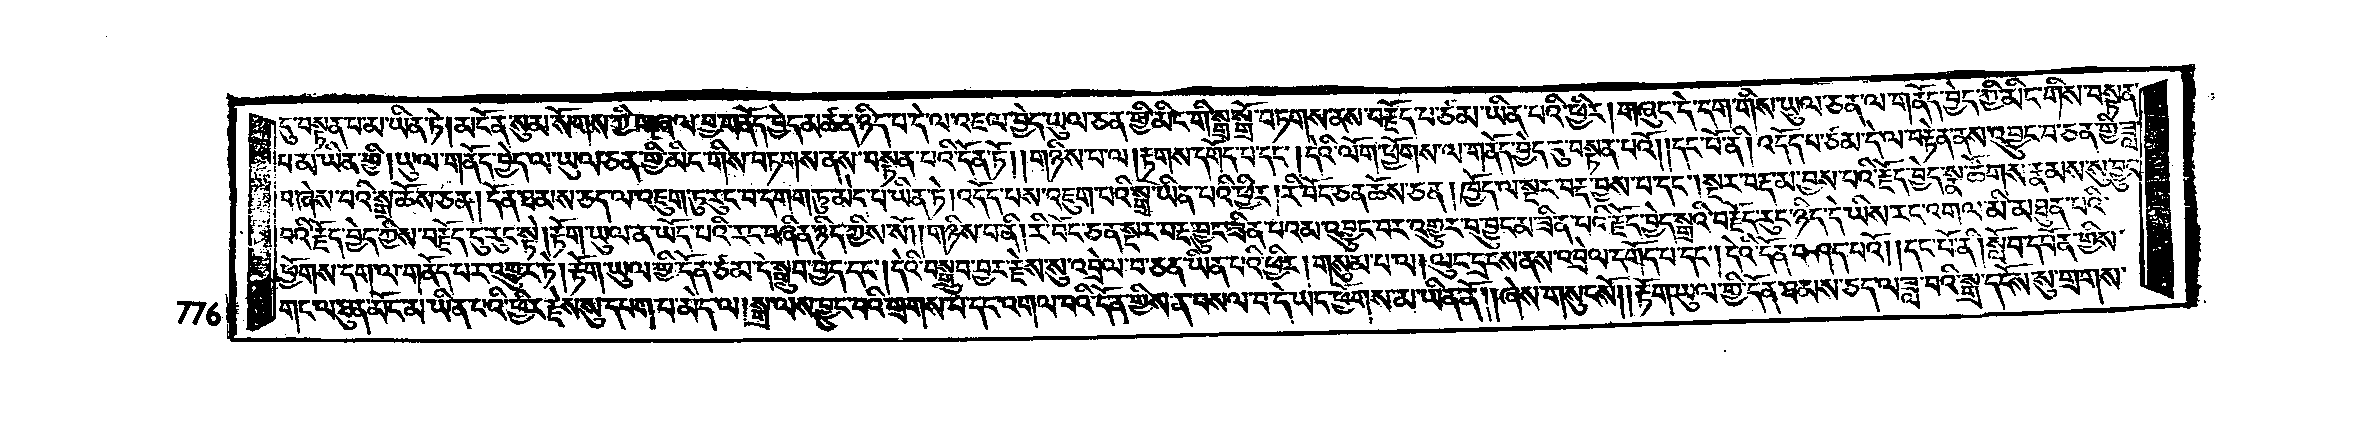དུ་བསྟན་པ་མ་ཡིན་ཏེ། མངོན་སུམ་སོགས་ཀྱི་གཞལ་བྱ་གནོད་བྱེད་མཚན་ཉིད་པ་དེ་ལ་འཇལ་བྱེད་ཡུལ་ཅན་གྱི་མིང་གི་སྒྲ་སྒྲོ་བཏགས་ནས་བརྗོད་པ་ཙམ་ཡིན་པའི་ཕྱིར། གཞུང་དེ་དག་གིས་ཡུལ་ཅན་ལ་གནོད་བྱེད་ཀྱི་མིང་གིས་བསྟན་
པ་མ་ཡིན་གྱི། ཡུལ་གནོད་བྱེད་ལ་ཡུལ་ཅན་གྱི་མིང་གིས་བཏགས་ནས་བསྟན་པའི་དོན་ཏོ། །གཉིས་པ་ལ། རྟགས་དགོད་པ་དང་། དེའི་ལོག་ཕྱོགས་ལ་གནོད་བྱེད་དུ་བསྟན་པའོ། །དང་པོ་ནི། འདོད་པ་ཙམ་དེ་ལ་བརྟེན་ནས་འབྱུང་བ་ཅན་གྱི་ཟླ་
བ་ཞེས་པའི་སྒྲ་ཆོས་ཅན། དོན་ཐམས་ཅད་ལ་འཇུག་ཏུ་རུང་བ་དགག་ཏུ་མེད་པ་ཡིན་ཏེ། འདོད་པས་འཇུག་པའི་སྒྲ་ཡིན་པའི་ཕྱིར། རི་བོང་ཅན་ཆོས་ཅན། ཁྱོད་ལ་སྔར་བརྡ་བྱས་པ་དང་། སྔར་བརྡ་མ་བྱས་པའི་རྗོད་བྱེད་སྣ་ཚོགས་རྣམས་སུ་བྱུང་
བའི་རྗོད་བྱེད་ཀྱིས་བརྗོད་དུ་རུང་སྟེ། རྟོག་ཡུལ་ན་ཡོད་པའི་རང་བཞིན་ཉིད་ཀྱིས་སོ། །གཉིས་པ་ནི། རི་བོང་ཅན་སྔར་བརྡ་བྱུང་ཟིན་པའམ་འབྱུང་བར་འགྱུར་བ་བྱུང་མ་ཟིན་པའི་རྗོད་བྱེད་སྒྲའི་བརྗོད་རུང་ཉིད་དེ་ཡིས་རང་འགལ་མི་མཐུན་པའི་
ཕྱོགས་དག་ལ་གནོད་པར་འགྱུར་ཏེ། རྟོག་ཡུལ་གྱི་དོན་ཙམ་དེ་སྒྲུབ་བྱེད་དང་། དེའི་བསྒྲུབ་བྱར་རྗེས་སུ་འབྲེལ་བ་ཅན་ཡིན་པའི་ཕྱིར། གསུམ་པ་ལ། ལུང་དྲངས་ནས་འབྲེལ་དགོད་པ་དང་། དེའི་དོན་བཤད་པའོ། །དང་པོ་ནི། སློབ་དཔོན་གྱིས་
གང་ལ་ཐུན་མོང་མ་ཡིན་པའི་ཕྱིར་རྗེས་སུ་དཔག་པ་མེད་ལ། སྒྲ་ལས་བྱུང་བའི་གྲགས་པ་དང་འགལ་བའི་དོན་གྱིས་ན་བསལ་བ་དེ་ཡང་ཕྱོགས་མ་ཡིན་ནོ། །ཞེས་གསུངས་སོ། །རྟོག་ཡུལ་གྱི་དོན་ཐམས་ཅད་ལ་ཟླ་བའི་སྒྲ་དངོས་སུ་གྲགས་